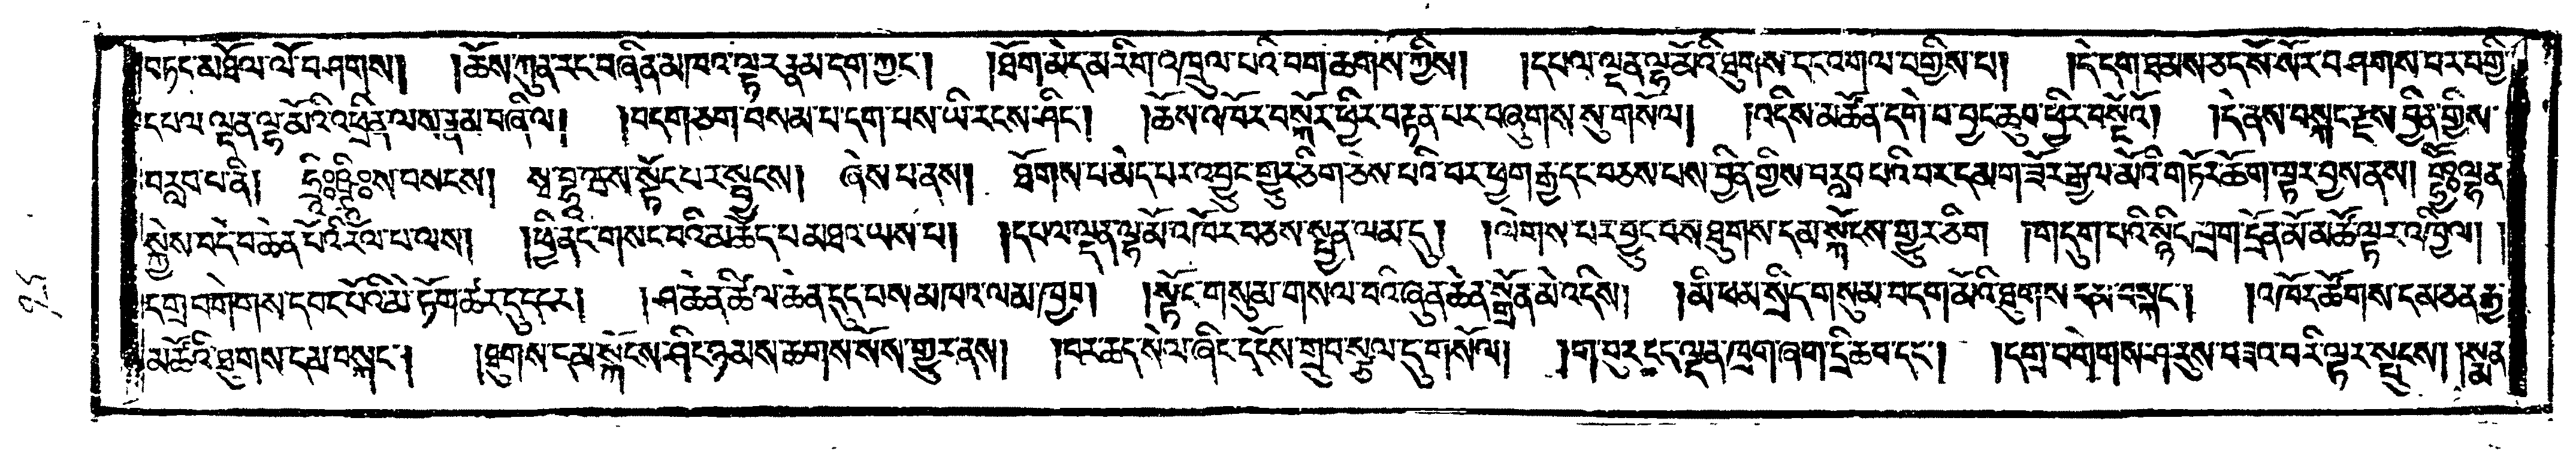བཏང་མཐོལ་ལོ་བཤགས། །ཆོས་ཀུན་རང་བཞིན་མཁའ་ལྟར་རྣམ་དག་ཀྱང་། །ཐོག་མེད་མ་རིག་འཁྲུལ་པའི་བག་ཆགས་ཀྱིས། །དཔལ་ལྡན་ལྷ་མོའི་ཐུགས་དང་འགལ་བགྱིས་པ། །དེ་དག་ཐམས་ཅད་སོ་སོར་བཤགས་པར་བགྱི་
དཔལ་ལྡན་ལྷ་མོའི་འཕྲིན་ལས་རྣམ་བཞི་ལ། །བདག་ཅག་བསམ་པ་དག་པས་ཡི་རངས་ཤིང་། །ཆོས་འཁོར་བསྐོར་ཕྱིར་བརྟན་པར་བཞུགས་སུ་གསོལ། །འདིས་མཚོན་དགེ་བ་བྱང་ཆུབ་ཕྱིར་བསྔོའོ། །དེ་ནས་བསྐང་རྫས་བྱིན་གྱིས་
བརླབ་པ་ནི། ཧྲཱིཿཥྚིཿ ས་བསངས། སྭ་བྷཱ་ཝས་སྟོང་པར་སྦྱངས། ཞེས་པ་ནས། ཐོགས་པ་མེད་པར་འབྱུང་གྱུར་ཅིག་ཅེས་པའི་བར་ཕྱག་རྒྱ་དང་བཅས་པས་བྱིན་གྱིས་བརླབ་པའི་བར་དམག་ཟོར་རྒྱལ་མོའི་གཏོར་ཆོག་ལྟར་བྱས་ནས། བྷྱཽཿ ལྷན་
སྐྱེས་བདེ་བ་ཆེན་པོའི་རོལ་པ་ལས། །ཕྱི་ནང་གསང་བའི་མཆོད་པ་མཐའ་ཡས་པ། །དཔལ་ལྡན་ལྷ་མོ་འཁོར་བཅས་སྤྱན་ལམ་དུ། །ལེགས་པར་བྱུང་བས་ཐུགས་དམ་སྐོངས་གྲུབ་ཅིག །གདུག་པའི་སྙིང་ཁྲག་དྲོན་མོ་མཚོ་ལྟར་འཁྱིལ། །
དགྲ་བགེགས་དབང་པོའི་མེ་ཏོག་ཚར་དུ་དངར། །ཤ་ཆེན་ཚིལ་ཆེན་དུད་པས་མཁའ་ལམ་ཁྱབ། །སྟོང་གསུམ་གསལ་བའི་ཞུན་ཆེན་སྒྲོན་མེ་འདིས། །མི་ཕམ་སྲིད་གསུམ་བདག་མོའི་ཐུགས་དམ་བསྐང་། །འཁོར་ཚོགས་དམ་ཅན་རྒྱ་
མཚོའི་ཐུགས་དམ་བསྐང་། །ཐུགས་དམ་སྐོངས་ཤིང་ཉམས་ཆགས་སོས་གྱུར་ནས། །བར་ཆད་སེལ་ཞིང་དངོས་གྲུབ་སྩལ་དུ་གསོལ། །ག་བུར་དད་ལྡན་ཁྲག་ཞག་དྲི་ཆབ་དང་། །དགྲ་བགེགས་ཤ་རུས་བཟའ་བ་རི་ལྟར་སྤུངས། །སྨན་